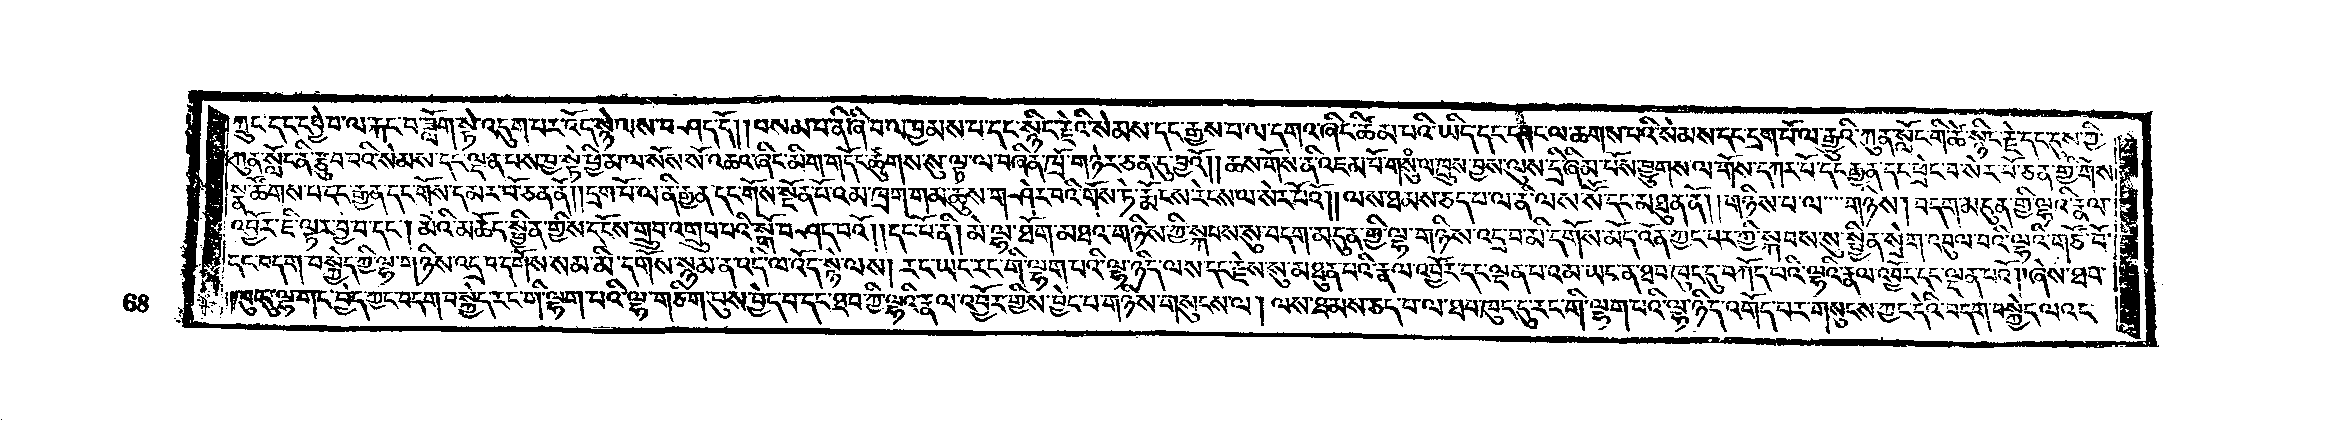ཀྲུང་དང་དབྱེ་བ་རྐང་བ་ཟློག་སྟེ་འདུག་པར་འོད་སྙེ་ལས་བཤད་དོ། །བསམ་པ་ནི་ཞི་བ་ལ་བྱམས་པ་དང་སྙིང་རྗེའི་སེམས་དང་རྒྱས་པ་ལ་དགའ་ཞིང་ཚིམ་པའི་ཡིད་དང་དབང་ལ་ཆགས་པའི་སེམས་དང་དྲག་པོ་ལ་རྒྱུའི་ཀུན་སློང་གི་ཚེ་སྙིང་རྗེ་དང་དུས་ཀྱི་
ཀུན་སློང་ནི་རྩུབ་པའི་སེམས་དང་ལྡན་པས་བྱ་སྟེ་ཕྱི་མ་ལ་སོས་སོ་འཆའ་ཞིང་མིག་གདོང་ཚུགས་སུ་ལྟ་ལ་བཞིན་ཁྲོ་གཉེར་ཅན་དུ་བྱའོ། །ཆས་གོས་ནི་འཇམ་པོ་གསུམ་ལ་ཁྲུས་བྱས་ལུས་དྲི་ཞིམ་པོས་བྱུགས་ལ་གོས་དཀར་པོ་དང་རྒྱན་དང་ཕྲེང་བ་སེར་པོ་ཅན་གྱི་གོས་
སྣ་ཚོགས་པ་དང་རྒྱན་དང་གོས་དམར་པོ་ཅན་ནོ། །དྲག་པོ་ལ་ནི་རྒྱན་དང་གོས་སྔོན་པོ་འམ་ཁྲག་གམ་ཆུས་གཤེར་བའི་གོས་ཏེ་རྨོངས་རེངས་ལ་སེར་པོའོ། །ལས་ཐམས་ཅད་པ་ལ་ནི་ལས་སོ་སོ་དང་མཐུན་ནོ། །གཉིས་པ་ལ་གཉིས། བདག་མདུན་གྱི་ལྷའི་རྣལ་
འབྱོར་ཇི་ལྟར་བྱ་བ་དང་། མེའི་མཆོད་སྦྱིན་གྱིས་དངོས་གྲུབ་འགྲུབ་པའི་སྒོ་བཤད་པའོ། །དང་པོ་ནི། མེ་ལྷ་ཐོག་མཐའ་གཉིས་ཀྱི་སྐབས་སུ་བདག་མདུན་གྱི་ལྷ་གཉིས་འདྲ་བ་མི་དགོས་མོད་འོན་ཀྱང་བར་གྱི་སྐབས་སུ་སྦྱིན་སྲེག་འབུལ་བའི་ལྷའི་གཙོ་བོ་
དང་བདག་བསྐྱེད་ཀྱི་ལྷ་གཉིས་འདྲ་བ་དགོས་སམ་མི་དགོས་སྙམ་ན་འདི་ལ་འོད་སྙེ་ལས། རང་ཡང་རང་གི་ལྷག་པའི་ལྷ་ཉིད་ལས་དང་རྗེས་སུ་མཐུན་པའི་རྣལ་འབྱོར་དང་ལྡན་པ་འམ་ཡང་ན་ཐབ་ཁུང་དུ་བཀོད་པའི་ལྷའི་རྣལ་འབྱོར་དང་ལྡན་པའོ། །ཞེས་ཐབ་
ཁུང་དུ་ལྷ་གང་བྱེད་ཀྱང་བདག་བསྐྱེད་རང་གི་ལྷག་པའི་ལྷ་གཅིག་པུས་བྱེད་པ་དང་ཐབ་ཀྱི་ལྷའི་རྣལ་འབྱོར་གྱིས་བྱེད་པ་གཉིས་གསུངས་ལ། ལས་ཐམས་ཅད་པ་ལ་ཐབ་ཁུང་དུ་རང་གི་ལྷག་པའི་ལྷ་ཉིད་འགོད་པར་གསུངས་ཀྱང་དེའི་བདག་བསྐྱེད་ལའང་